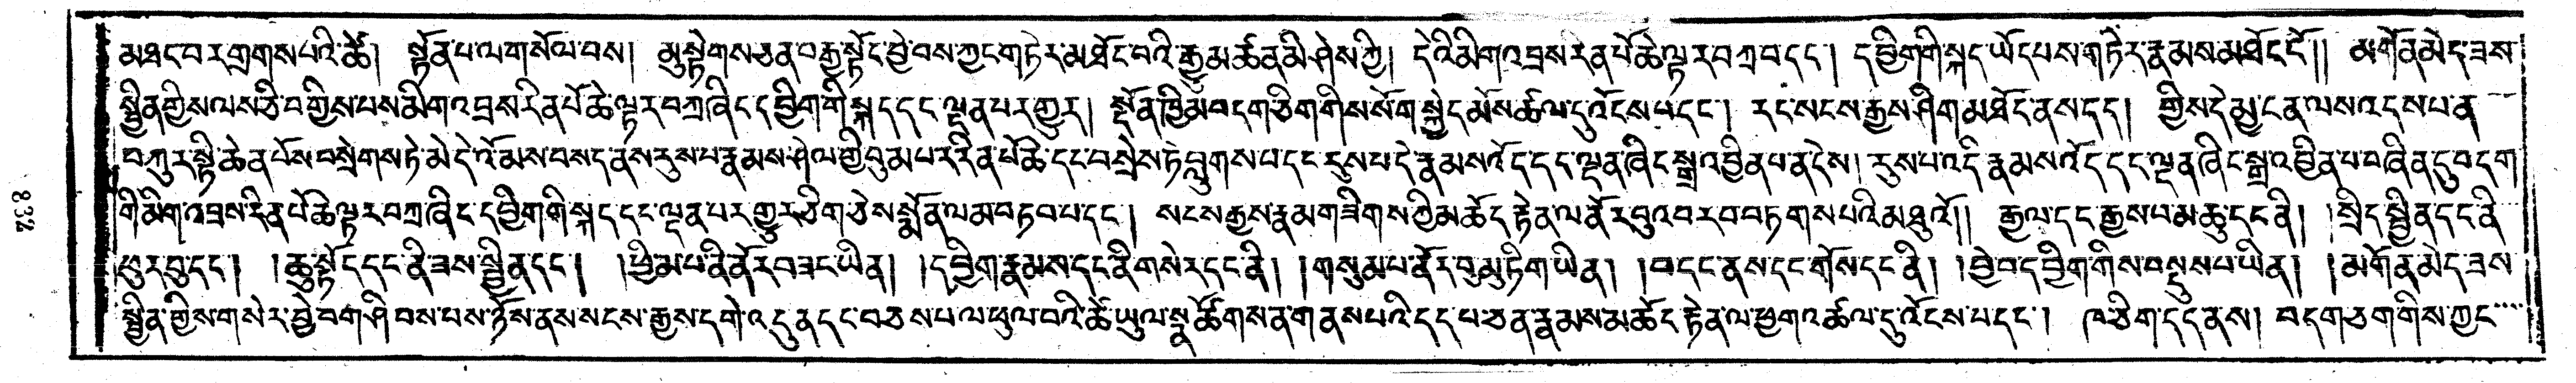མཐང་བར་གྲགས་པའི་ཚེ། སྟོན་པ་ལ་གསོལ་བས། མུ་སྟེགས་ཅན་བརྒྱ་སྟོང་བྱེ་བས་ཀྱང་གཏེར་མཐོང་བའི་རྒྱུ་མཚན་མི་ཤེས་ཀྱི། དེའི་མིག་འབྲས་རིན་པོ་ཆེ་ལྟར་བཀྲ་བ་དང་། དབྱིག་གི་སྐད་ཡོད་པས་གཏེར་རྣམས་མཐོང་ངོ།། མགོན་མེད་ཟས་
སྦྱིན་གྱིས་ལས་ཅི་བགྱིས་པས་མིག་འབྲས་རིན་པོ་ཆེ་ལྟར་བཀྲ་ཞིང་དབྱིག་གི་སྐད་དང་ལྡན་པར་གྱུར། སྡོན་ཁྱིམ་བདག་ཅིག་གིས་སོག་སྐྱེད་མོས་ཚལ་དུ་འོངས་པ་དང་། རང་སངས་རྒྱས་ཤིག་མཐོང་ནས་དད། གྱིས་དེ་མྱ་ངན་ལས་འདས་པ་ན་
བཀུར་སྟི་ཆེན་པོས་བསྲེགས་ཏེ་མེ་དེ་འོ་མས་བསད་ནས་རུས་པ་རྣམས་ཤེལ་གྱི་བུམ་པར་རིན་པོ་ཆེ་དང་བསྲེས་ཏེ་བླུགས་པ་དང་རུས་པ་དེ་རྣམས་འོད་དང་ལྡན་ཞིང་སྒྲ་འབྱིན་པ་ན་དེས། རུས་པ་འདི་རྣམས་འོད་དང་ལྡན་ཞིང་སྒྲ་འབྱིན་པ་བཞིན་དུ་བདག་
གི་མིག་འབྲས་རིན་པོ་ཆེ་ལྟར་བཀྲ་ཞིང་དབྱིག་གི་སྐད་དང་ལྡན་པར་གྱུར་ཅིག་ཅེས་སྨོན་ལམ་བཏབ་པ་དང་། སངས་རྒྱས་རྣམ་གཟིགས་ཀྱི་མཆོད་རྟེན་ལ་ནོར་བུ་འབར་བ་བཏགས་པའི་མཐུའོ།། རྒྱལ་དང་རྒྱས་པ་མཆུ་དང་ནི། །སྲིད་སྦྱིན་དང་ནི་
ཕུར་བུ་དང་། །ཆུ་སྟོད་དང་ནི་ཟས་སྦྱིན་དང་། །ཕྱི་མ་པ་ནི་ནོར་བཟང་ཡིན། །དབྱིག་རྣམས་དང་ནི་གསེར་དང་ནི། །གསུམ་པ་ནོར་བུ་མུ་ཏིག་ཡིན། །བ་དང་ནས་དང་གོས་དང་ནི། །བྱེ་བ་དབྱིག་གིས་བསྡུས་པ་ཡིན། །མགོན་མེད་ཟས་
སྦྱིན་གྱིས་གསེར་བྱེ་བ་གཤིབས་པས་ཉོས་ནས་སངས་རྒྱས་དགེ་འདུན་དང་བཅས་པ་ལ་ཕུལ་བའི་ཚེ་ཡུལ་སྣ་ཚོགས་ན་གནས་པའི་དད་པ་ཅན་རྣམས་མཆོད་རྟེན་ལ་ཕྱག་འཚལ་དུ་འོངས་པ་དང་། ཁ་ཅིག་དད་ནས། བདག་ཅག་གིས་ཀྱང་